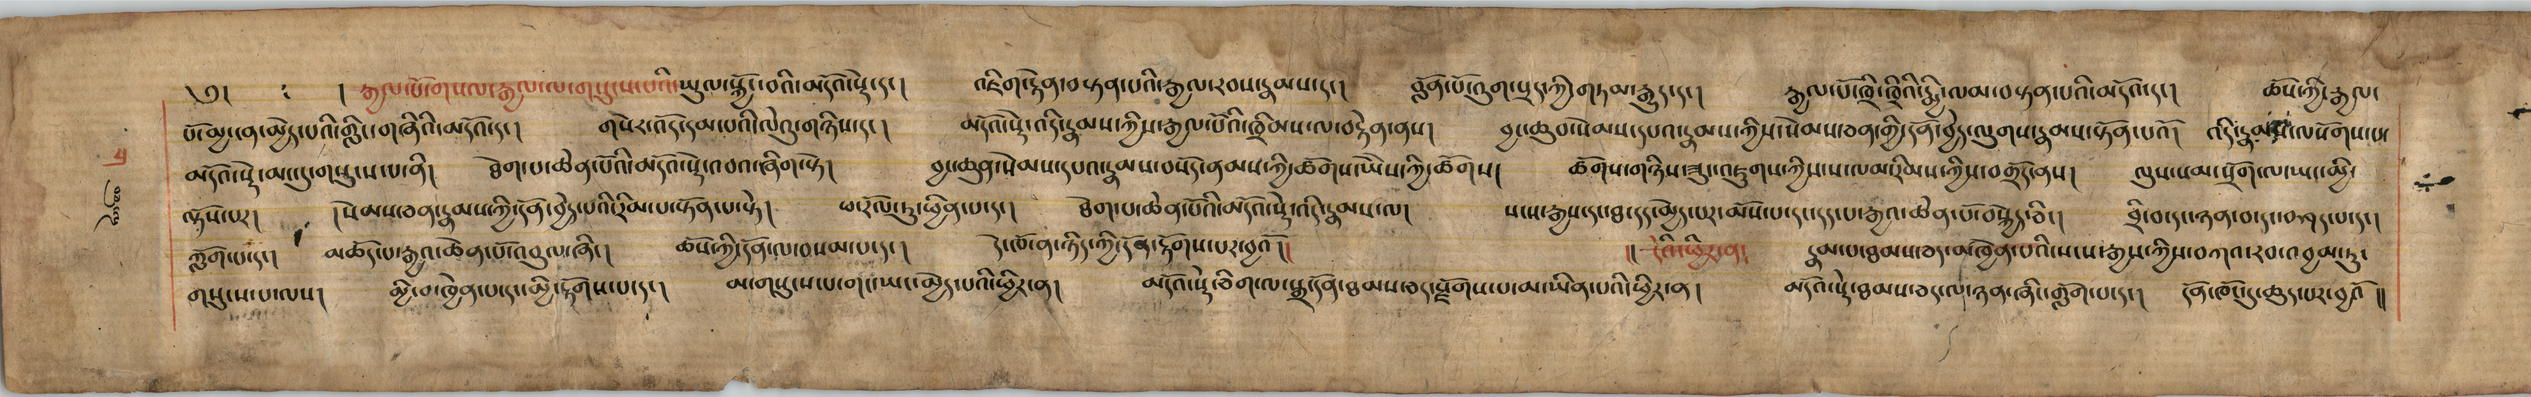༅། : ། རྒྱལ་ོི་གསལ་རྒྱལ་ལ་གསུངས་པའི་ཡུལ་སྐྱོང་བའི་མདོའ་སསྡེ་དང། འཇིག་རྟེན་བསྟན་པའི་རྒྱལ་རབས་རྣམས་དང། བློན་པོ་འུག་སྲད་ཀྱི་གཏམ་རྒྱུད་དང། རྒྱལ་པོ་ཁྲི་ཁྲིའི་རྨྱི་ལམ་བསྟན་པའི་མདོའ་དང། ཆོས་ཀྱི་རྒྱལ་
པོ་མྱ་ངན་མྱེད་པའི་གླིང་གཞིའི་མདོའ་དང། གསེར་འོད་དམ་པའི་ལེའུ་གཉིས་དང། མདོའ་སྡེ་འདི་རྣམས་ཀྱིས་རྒྱལ་པོའི་ཁྲིམས་ལ་བརྟེན་ནས། བྱང་ཆུབ་སེམས་དཔའ་རྣམས་ཀྱིས་སེམས་ཅན་གྱི་དོན་བྱེད་ལུགས་རྣམས་སྟོན་པའོ། འདི་རྣམས་ལསོགས་པ་
མདོའ་སྡེ་མང་དི་གསུངས་པ་ནི། ཐེག་པ་ཆེན་པོའི་མདོའ་སྡེ་འབའ་ཞིག་སྟེ། བྱང་ཆུབ་སེམས་དཔའ་རྣམས་བསོད་ནམས་ཀྱི་ཚོགས་ཡཻས་ཀྱི་ཚོགས། ཚོགས་གཉིས་ཟུང་འཇུགས་ཀྱིས་ས་ལམ་རིམས་ཀྱིས་བགྲོད་ནས། ལུས་སམ་སྲོག་ལ་ཡང་མྱི་
ལྟོས་པར། །སེམས་ཅན་རྣམས་ཀྱི་དོན་བྱེད་པའི་རིམ་པ་སྟོན་པ་སྟེ། ཕ རོལ་ཏུ་ཕྱིན་པ་དང། ཐེག་པ་ཆེན་པོའི་མདོའ་སྡེ་འདི་རྣམས་ལ། སངས་རྒྱས་ཐ དད་མྱེད་པར་མོས་པ་དང་དད་པ་རྒྱའ་ཆེན་པོ་བསྐྱེད་ཅིང། བྲི་བ་དང་ཉན་བ་དང་བཤད་པ་དང།
ཀློག་པ་དང། མཆོད་པ་རྒྱའ་ཆེན་པོ་འབུལ་ཞིང། ཆོས་ཀྱི་དོན་ལ་བསམ་པ་དང། དེ་ཁོ་ན་ཉིད་ཀྱི་དོན་རྟོགས་པར་བྱའོ།། །། དེའི་ཕྱིར་ན། རྣམ་པ་ཐམས་ཅད་མཁྱེན་པའི་སངས་རྒྱས་ཀྱིས་བཀའ་རབ་འབྱམ་ཏུ་
གསུངས་པ་ལས། མྱི་མཁྱེན་པ་དང་མྱི་རྟོགས་པ་དང། མ་གསུངས་པ་གང་ཡང་མྱེད་པའི་ཕྱིར་ན། མདོའི་སྡེ་ཅིག་ལ་སྒྲ་དོན་ཐམས་ཅད་སྫོགས་པ་མ་ཡིན་པའི་ཕྱིར་ན། མདོའ་སྡེ་ཐམས་ཅད་ལ་ཉན་ཞིང་གློག་པ་དང། དོན་ཁོང་དུ་ཆུད་པར་བྱའོ །།